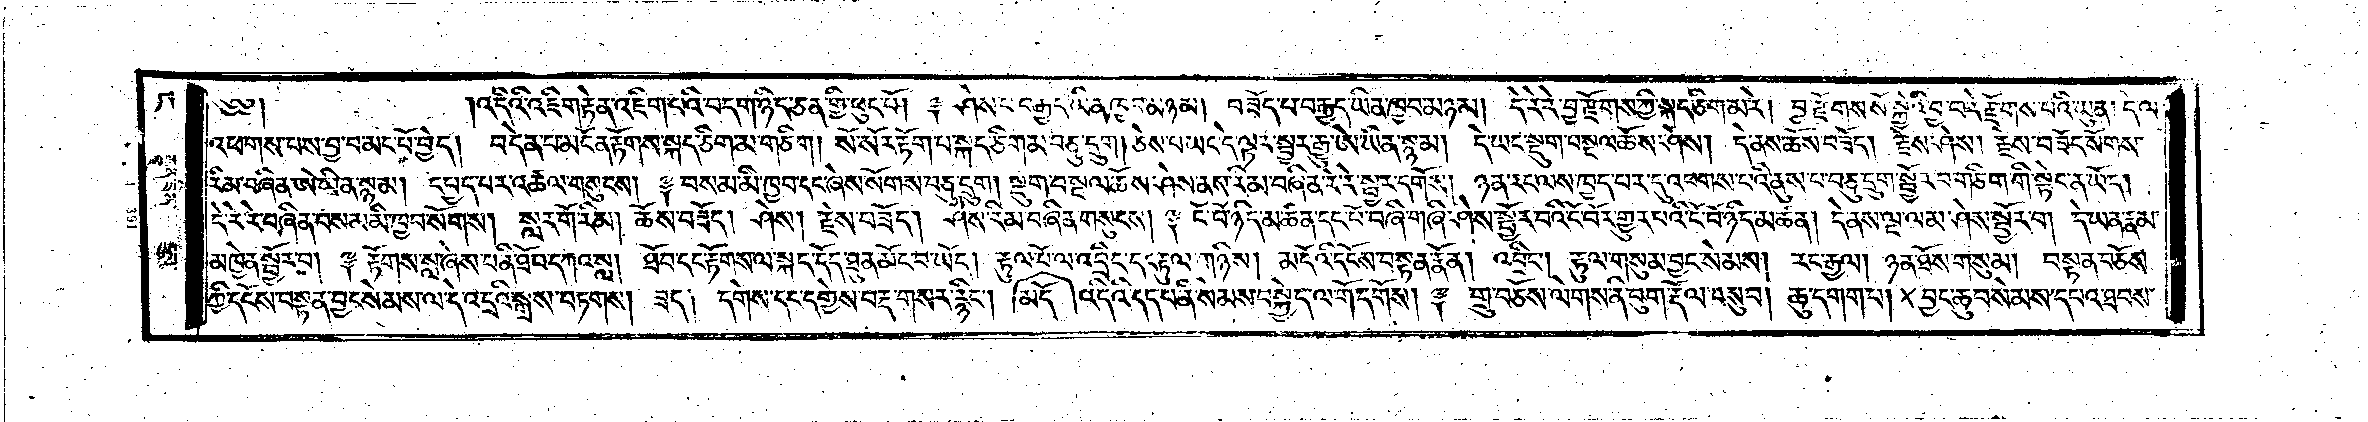༄༅། །འདིའི་འཇིག་རྟེན་འཇིག་པའི་བདག་ཉིད་ཅན་གྱི་ཕུང་པོ། ༈ ཤེས་པ་བརྒྱད་ཡིན་ཁྱབ་མཉམ། བཟོད་པ་བརྒྱད་ཡིན་ཁྱབ་མཉམ། དེ་རེ་རེ་བྱ་རྫོགས་ཀྱི་སྐད་ཅིག་མ་རེ། བྱ་རྫོགས་སོ་སྐྱེའི་བྱ་བ་རེ་རྫོགས་པའི་ཡུན། དེ་ལ་
འཕགས་པས་བྱ་བ་མང་པོ་བྱེད། བདེན་པ་མངོན་རྟོགས་སྐད་ཅིག་མ་གཅིག །སོ་སོར་རྟོག་པ་སྐད་ཅིག་མ་བཅུ་དྲུག། ཅེས་པ་ཡང་དེ་ལྟར་སྦྱར་རྒྱུ་ཨེ་ཡིན་སྙམ། དེ་ཡང་སྡུག་བསྔལ་ཆོས་ཤེས། དེ་ནས་ཆོས་བཟོད། རྗེས་ཤེས། རྗེས་བཟོད་སོགས་
རིམ་བཞིན་ཨེ་ཡིན་སྙམ། དཔྱད་པར་འཚལ་གསུངས། ༈ བསམ་མི་ཁྱབ་དང་ཞེས་སོགས་བཅུ་དྲུག། སྡུག་བསྔལ་ཆོས་ཤེས་ནས་རིམ་བཞིན་རེ་རེ་སྦྱར་དགོས། ཉན་རང་ལས་ཁྱད་པར་དུ་འཕགས་པའི་ནུས་པ་བཅུ་དྲུག་སྦྱོར་བ་གཅིག་གི་སྟེང་ན་ཡོད།
དེ་རེ་རེ་བཞིན་བསམ་མི་ཁྱབ་སོགས། སླར་གོ་རིམ། ཆོས་བཟོད། ཤེས། རྗེས་བཟོད། ཤེས་རིམ་བཞིན་གསུངས། ༈ ངོ་བོ་ཉིད་མཚན་དང་པོ་བཞི་གཞི་ཤེས་སྦྱོར་བའི་ངོ་བོར་གྱུར་པའི་ངོ་བོ་ཉིད་མཚན། དེ་ནས་ལྔ་ལམ་ཤེས་སྦྱོར་བ། དེ་ཡན་རྣམ་
མཁྱེན་སྦྱོར་བ། ༈ རྟོགས་སླ་ཞེས་པ་ནི་ཐོབ་དཀའ་སླ། ཐོབ་དང་རྟོགས་ལ་སྐད་དོད་ཐུན་མོང་བ་ཡོད། རྟུལ་པོ་ལ་འབྲིང་དང་རྟུལ་གཉིས། མདོའི་དངོས་བསྟན་རྣོན། འབྲིང་། རྟུལ་གསུམ་བྱང་སེམས། རང་རྒྱལ། ཉན་ཐོས་གསུམ། བསྟན་བཅོས་
ཀྱི་དངོས་བསྟན་བྱང་སེམས་ལ་དེ་འདྲའི་སྒྲས་བཏགས། ཟད༑ དགེས་དང་དགྱེས་བརྡ་གསར་རྙིང་། ༼མདོ༽ འདིའི་དད་པ་ནི་སེམས་བསྐྱེད་ལ་གོ་དགོས། ༈ གྲུ་བཅོས་ལེགས་ནི་བུག་རྡོལ་བསུབ། ཆུ་དགག་པ། ྾་བྱང་ཆུབ་སེམས་དཔའ་ཐབས་